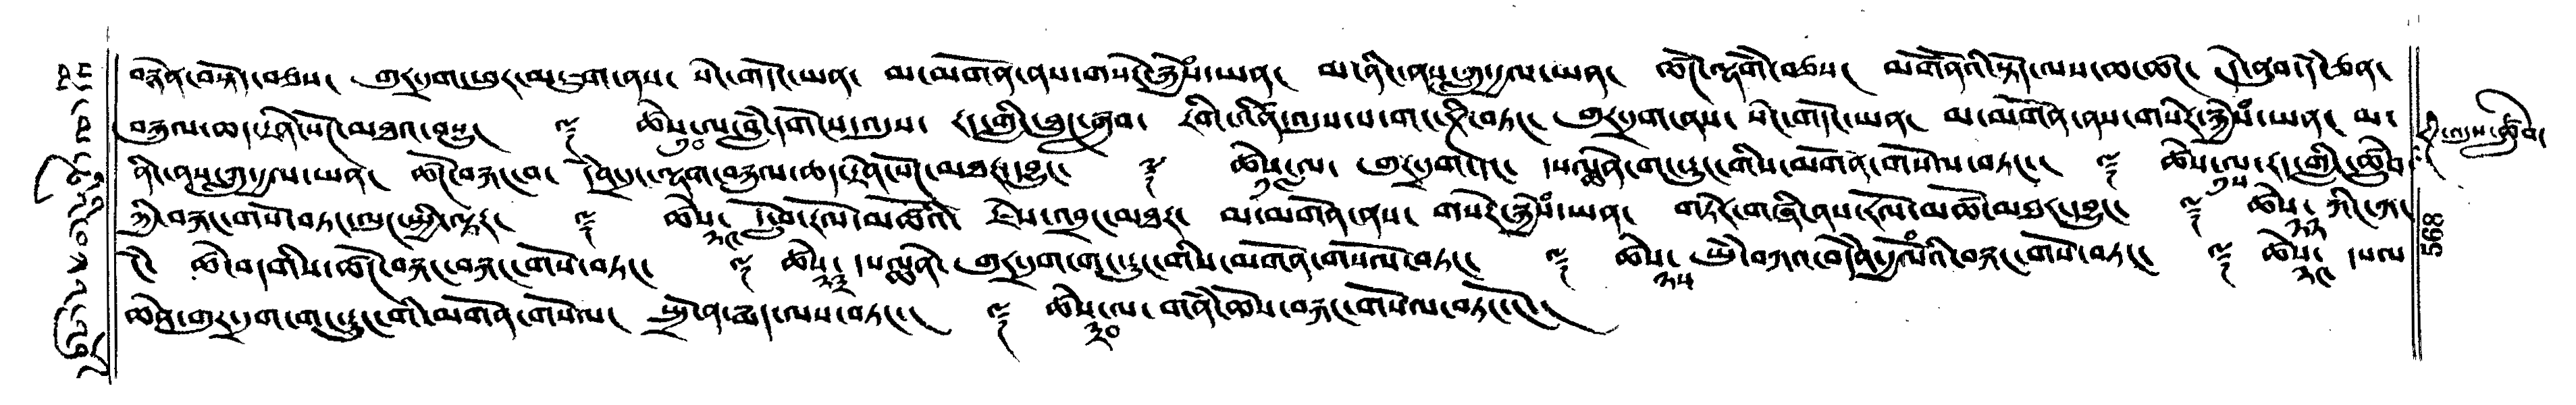བསྙེན་བསྟོད་བཅས། གུར་དྲག་ཕུར་མཇུག་ནས། སེང་གདོང་ཡན། མ་མགོན་ནས་གསེར་སྐྱེམས་ཡན། མ་ནིང་ནས་ཀླུ་རྒྱལ་ཡན། ཚོགས་ལྷག་མ་བཅས། མགོན་པོའི་སྟོད་ལས་ཆ་ཚང་། དེ་ནུབ་དམ་ཅན་
བསྐུལ་ཆད་བརྟན་སོགས་མཐའ་བསྡུ། ༈ ཚེས་བཅུ་ལ་བླ་མ་དགོངས་འདུས། རཏ་གླིང་ཐུགས་སྒྲུབ། རིག་འཛིན་འདུས་པ་གང་རིགས་གཏང་། གུར་དྲག་ནས། སེང་གདོང་ཡན། མ་མགོན་ནས་གསེར་སྐྱེམས་ཡན། མ་
ནིང་ནས་ཀླུ་རྒྱལ་ཡན། ཚོགས་བསྐང་བ། དམ་ཅན་དྲང་ལྷག་བསྐུལ་ཆད་བརྟན་སོགས་མཐར་དབྱུང་། ༈ ཚེས་བཅུ་བཞི་ལ། གུར་དྲག་དང་། དཔལ་ཆེན་གང་རུང་གིས་མགོན་གསོལ་གཏང་། ༈ ཚེས་བཅོ་ལྔ་ལ་རང་གླིང་ཚེ་སྒྲུབ༴ རིག་འདུས་ཚེ་སྒྲུབ་
ཀྱི་བསྐང་གསོ་གཏོང་ལུགས་སྤྱི་ལྟར།༈ ཚེས་ཉེར་བཞི། དངོས་གྲུབ་རོལ་མཚོའི་རྗེས་འབྲང་མཐར། མ་མགོན་ནས་གསེར་སྐྱེམས་ཡན། གཏེར་གཞི་ནས་རོལ་མཚོ་མཐར་དབྱུང་། ༈ ཚེས་ཉེར་གཉིས། ཀིང་ཀང་
ངམ། ཚེ་བདག་གི་ཚོགས་བསྐང་བསྐང་གསོ་གཏང་། ༈ ཚེས་ཉེར་གསུམ། དཔལ་ཆེན། གུར་དྲག་གང་རུང་གི་མགོན་གསོལ་གཏང་། ༈ ཚེས་ཉེར་ལྔ། ཡུམ་བཀའ་བདེ་ཆེན་རྒྱལ་མོའི་བསྐང་གསོ་གཏང་། ༈ ཚེས་ཉེར་དགུ། དཔལ་
ཆེན་གུར་དྲག་གང་རུང་གི་མགོན་གསོལ། སྤྲོ་ན་སྨད་ལས་གཏང་། ༈ ཚེས་སུམ་བཅུ་ལ་གནམ་ཆོས་བསྐང་གསོལ་གཏང་ངོ་།